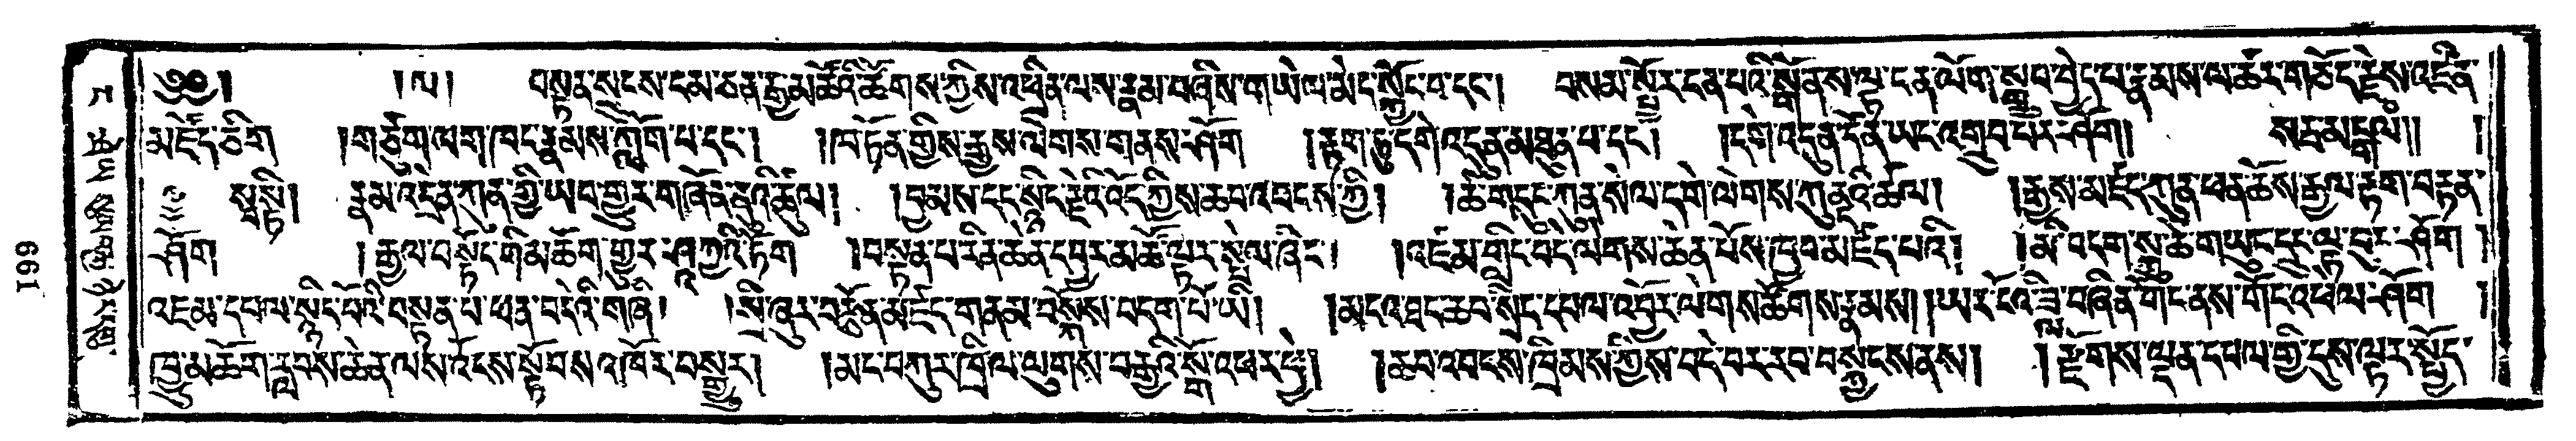༄༅། །ལ། བསྟན་སྲུངས་ངམ་ཅན་རྒྱ་མཚོའི་ཚོགས་ཀྱིས་འཕྲིན་ལས་རྣམ་བཞིས་གཡེལ་མེད་སྐྱོང་བ་དང་། བསམ་སྤྱོར་ངན་པའི་སྒོ་ནས་ལྟ་ངན་ལོག་སྒྲུབ་བྱེད་པ་རྣམས་ལ་ཚར་གཅོད་རྗེས་འཛིན་
མཛོད་ཅིག །གཙུག་ལག་ཁང་རྣམས་ཀློག་པ་དང་། །ཁ་ཏོན་གྱིས་རྒྱས་ལེགས་གནས་ཤོག །རྟག་ཏུ་དགེ་འདུན་མཐུན་པ་དང་། །དགེ་འདུན་དོན་ཡང་འགྲུབ་པར་ཤོག། སརྦ་མངྒལཾ།། །
༈སྭསྟི། རྣམ་འདྲེན་ཀུན་གྱི་ཡབ་གྱུར་གཞོན་ནུའི་ཚུལ། །བྱམས་དང་སྙིང་རྗེའི་འོད་ཀྱིས་ཆབ་འབངས་ཀྱི། །ཚ་གདུང་ཀུན་སེལ་དགེ་ལེགས་ཀུནྡའི་ཚལ། །རྒྱས་མཛད་ཀུན་ཕན་ཆོས་རྒྱལ་རྟག་བརྟན་
ཤོག །རྒྱལ་པ་སྟོང་གི་མཆོག་གྱུར་ཤཱཀྱའི་ཏོག །བསྟན་པ་རིན་ཆེན་དབྱར་མཚོ་ལྟར་སྤེལ་ཞིང་། །འཛམ་གླིང་བདེ་ལེགས་ཆེན་པོས་ཁྱབ་མཛད་པའི། །མི་བདག་སྐུ་ཆེ་གཡུང་དྲུང་ལྟ་བུར་ཤོག།
འཇམ་དཔལ་སྙིང་པོའི་བསྟན་པ་ཕན་བདེའི་གཞི། །སྲི་ཞུར་བརྩོན་མཛད་གནམ་བསྐོས་བདག་པོ་ཡི། །མངའ་ཐང་ཆབ་སྲིད་དཔལ་འབྱོར་ལེགས་ཚོགས་རྣམས། །ཡར་ངོའི་ཟླ་བཞིན་གོང་ནས་གོང་འཕེལ་ཤོག།
ཁྱུ་མཆོག་རླབས་ཆེན་ལས་འོངས་སྟོབས་འཁོར་བསྒྱུར། །མང་བཀུར་ཁྲི་ལ་ལུགས་བརྒྱའི་སྒོ་འཕར་ཕྱེ། །ཆབ་འབངས་ཁྲིམས་ཀྱིས་བདེ་བར་རབ་བསྐྱངས་ནས། །རྫོགས་ལྡན་དཔལ་གྱི་དུས་ལྟར་སྤྱོད་